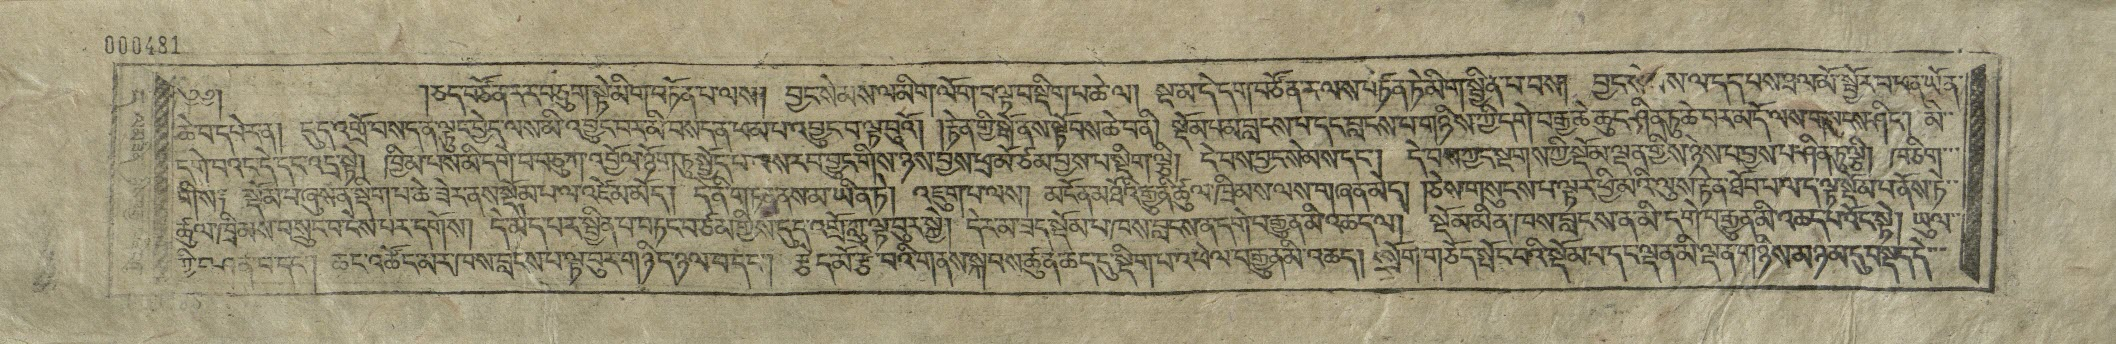༄༅། །ཅད་བཙོན་རར་བཅུག་སྟེ་མིག་བཏོན་པ་ལས། བྱང་སེམས་ལ་མིག་ལོག་བལྟ་བ་སྡིག་པ་ཆེ་ལ། སྔ་མ་དེ་དག་བཙོན་ར་ལས་བཏོན་ཏེ་མིག་སྦྱིན་པ་བས། བྱང་སེམས་ལ་དད་པས་ཐལ་མོ་སྦྱོར་བ་ཕན་ཡོན་
ཆེ་བ་དཔེར་ན། དུད་འགྲོ་བསད་ན་ལྟུང་བྱེད་ལས་མི་འབྱུང་བར་མི་བསོད་?་ན་ཕམ་པ་འབྱུང་བ་ལྟ་བུའོ། །རྟེན་གྱི་སྒོ་ནས་སྟོབས་ཆེ་བ་ནི། སྡོམ་པ་མ་བླངས་པ་དང་བླངས་པ་གཉིས་ཀྱི་དགེ་བ་རྒྱ་ཆེ་ཆུང་ཤིན་ཏུ་ཆེ་བར་མདོ་ལས་གསུངས་ཤིང་། མི་
དགེ་བའང་དེ་དང་འདྲ་སྟེ། ཁྱིམ་པས་མི་དགེ་བ་བཅུ་ཀ་འབྱོལ་ཉོག་ཏུ་སྤྱོད་པ་ལས་རབ་བྱུང་གིས་ཉེས་བྱས་ཕྲ་མོ་ཙམ་བྱས་པ་སྡིག་ལྕི། དེ་བས་བྱང་སེམས་དང་། དེ་བས་ཀྱང་སྔགས་ཀྱི་སྡོམ་ལྡན་གྱིས་ཉེས་པ་བྱས་པ་ཤིན་ཏུ་ལྕི། ཁ་ཅིག་
གིས༑ སྡོམ་པ་ཞུས་ན་སྡིག་པ་ཆེ་ཟེར་ནས་སྡོམ་པ་ལ་འཛེམ་མོད། དེ་ནི་གཏན་ནས་མ་ཡིན་ཏེ། འཇུག་པ་ལས། མངོན་མཐོའི་རྒྱུ་ནི་ཚུལ་ཁྲིམས་ལས་གཞན་མེད། །ཅེས་གསུངས་པ་ལྟར་ཕྱི་མའི་ལུས་རྟེན་ཐོབ་པ་ལ་ད་ལྟ་སྡོམ་པ་ནོས་ཏེ་
ཚུལ་ཁྲིམས་བསྲུང་བ་ངེས་པར་དགོས། དེ་མེད་པར་སྦྱིན་པ་བཏང་བ་ཙམ་གྱིས་དུད་འགྲོ་ཀླུ་ལྟ་བུར་སྐྱེ། དེར་མ་ཟད་སྡོམ་པ་ཁས་བླངས་ན་དགེ་བ་རྒྱུན་མི་འཆད་ལ། སྡོམ་མིན་ཁས་བླངས་ན་མི་དགེ་བ་རྒྱུན་མི་འཆད་པ་འོང་སྟེ། ཡུལ་
གྱི་བཤན་པ་དང་། ཆང་འཚོང་?་མར་ཁས་བླངས་པ་ལྟ་བུར་གཉིད་ཉལ་བ་དང་། རྩེ་མོ་རྩེ་བའི་གནས་སྐབས་ཚུན་ཆད་དུ་སྡིག་པ་འཕེལ་བ་རྒྱུན་མི་འཆད། སྲོག་གཅོད་སྤོང་བའི་སྡོམ་པ་དང་ལྡན་མི་ལྡན་གཉིས་མཉམ་དུ་བསྡད་དེ་